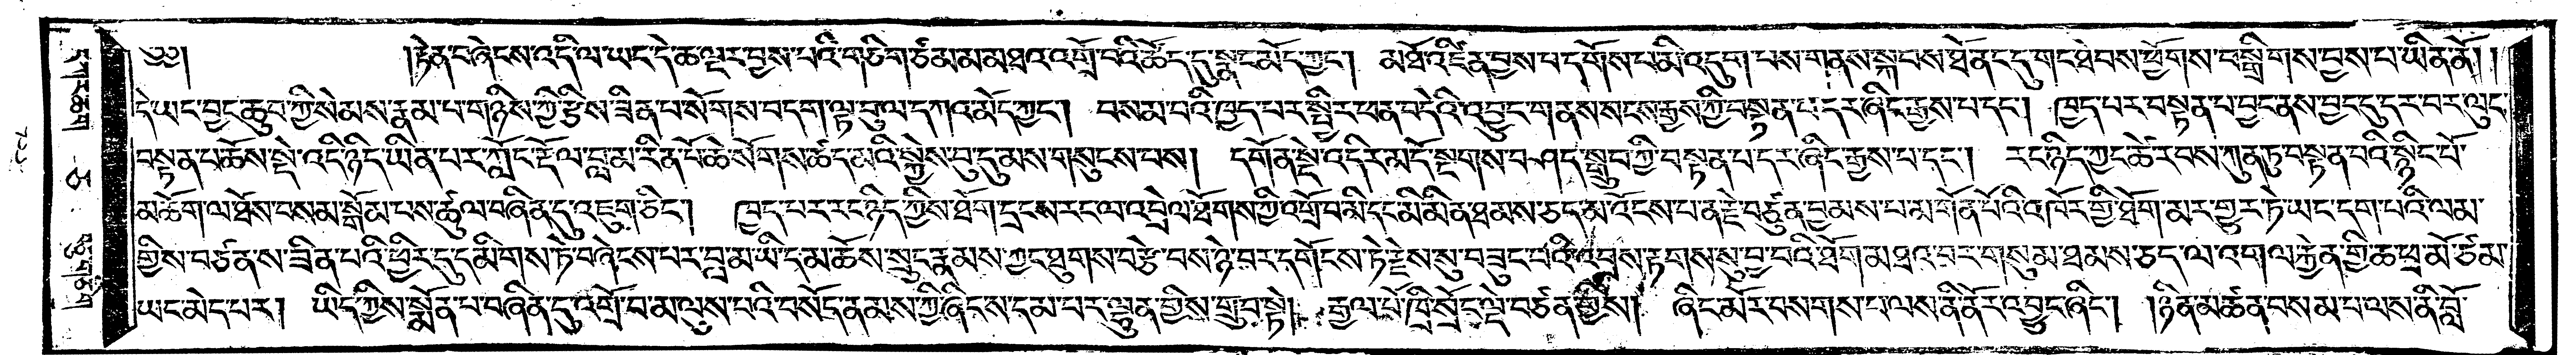༄༅། །རྟེན་བཞེངས་འདི་ལ་ཡང་དེ་ཆ་ལྔར་བྱས་པའི་གཅིག་ཙམ་མ་མཐའ་འགྲོ་བའི་ཚོད་དུ་སྣང་མོད་ཀྱང་། མཐོ་འཛིན་བྱས་པ་དགོས་བ་མི་འདུག་པས་གནས་སྐབས་ཐོ་ནང་དུ་གང་ཐེབས་ཕྱོགས་བསྒྲིགས་བྱས་པ་ཡིན་ནོ།།
དེ་ཡང་བྱང་ཆུབ་ཀྱི་སེམས་རྣམ་བ་གཉིས་ཀྱི་རྩིས་ཟིན་པ་སོགས་བདག་ལྟ་བུ་ལ་དཀའ་མོད་ཀྱང་། བསམ་པའི་ཁྱད་པར་སྤྱིར་ཕན་བདེའི་འབྱུང་གནས་སངས་རྒྱས་ཀྱི་བསྟན་པ་དར་ཞིང་རྒྱས་པ་དང་། ཁྱད་པར་བསྟན་པ་བྱང་ནས་བྱང་དུ་དར་བར་ལུང་
བསྟན་པ་ཆོས་སྡེ་འདི་ཉིད་ཡིན་པར་ཀློང་རྡོལ་བླ་མ་རིན་པོ་ཆེ་སོགས་ཚད་མའི་སྐྱེས་བུ་དུ་མས་གསུངས་བས། དགོན་སྡེ་འདིར་མདོ་སྔགས་བཤད་སྒྲུབ་ཀྱི་བསྟན་པ་དར་ཞིང་རྒྱས་པ་དང་། རང་ཉིད་ཀྱང་ཚེ་རབས་ཀུན་ཏུ་བསྟན་བའི་སྙིང་པོ་
མཆོག་ལ་ཐོས་བསམ་སྒོམ་པས་ཚུལ་བཞིན་དུ་འཇུག་ཅིང་། ཁྱད་པར་རང་ཉིད་ཀྱིས་ཐོག་དྲངས་རང་ལ་འབྲེལ་ཐོགས་ཀྱི་འགྲོ་བ་མི་དང་མི་མིན་ཐམས་ཅད་མ་འོངས་པ་ན་རྗེ་བཙུན་བྱམས་པ་མགོན་པོའི་འཁོར་གྱི་ཐོག་མར་གྱུར་ཏེ་ཡང་དག་པའི་ལམ་
གྱིས་བཙ་ནས་ཟིན་པའི་ཕྱིར་དུ་དམིགས་ཏེ་བཞེངས་པར་བླ་མ་ཡི་དམ་ཆོས་སྲུང་རྣམས་ཀྱང་ཐུགས་བརྩེ་བས་ཉེ་བར་དགོངས་ཏེ་རྗེས་སུ་བཟུང་བའི་འབྲས་རྟགས་སུ་བྱ་བའི་ཐོག་མཐའ་བར་གསུམ་ཐམས་ཅད་ལ་འགལ་རྐྱེན་གྱི་ཆ་ཕྲ་མོ་ཙམ་
ཡང་མེད་པར། ཡིད་ཀྱིས་སྨོན་པ་བཞིན་དུ་འགྲོ་བ་མ་ལུས་པའི་བསོད་ནམས་ཀྱི་ཞིང་ས་དམ་པར་ལྷུན་གྱིས་གྲུབ་སྟེ། རྒྱལ་བོ་ཁྲི་སྲོང་ལྡེ་བཙན་གྱིས། །ཟིང་མོར་བསགས་པ་ལས་ནི་ནོར་འབྱུང་ཞིང་། །ཉིན་མཚན་བསམ་པ་ལས་ནི་བློ་